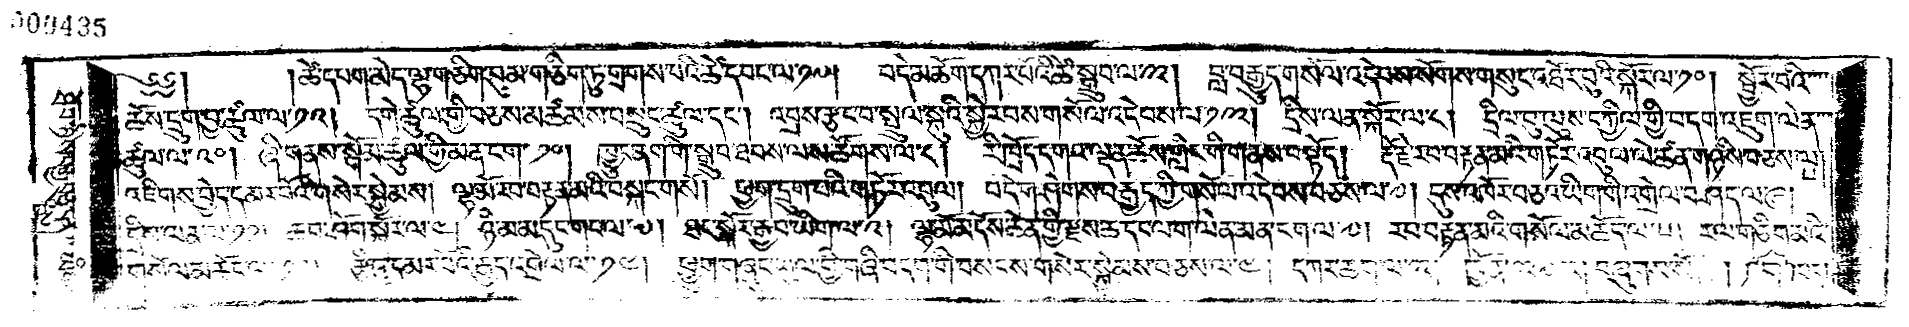༄༅། །ཚེ་དཔག་མེད་ལྷ་གཅིག་བུམ་གཅིག་ཏུ་གྲགས་པའི་ཚེ་དབང་ལ ༡༧། བདེ་མཆོག་དཀར་པོའི་ཚེ་སྒྲུབ་ལ ༣། བླ་བརྒྱུད་གསོལ་འདེབས་སོགས་གསུང་འཐོར་བུའི་སྐོར་ལ ༡༠། སྦྱོར་བའི་
ཆོས་དྲུག་བྱ་ཚུལ་ལ ༡༢། དགེ་ཚུལ་གྱི་བཅས་མཚམས་བསྲུང་ཚུལ་དང་། འབྲས་རྩང་བ་སྤྲུལ་སྐུའི་སྐྱེ་རབས་གསོལ་འདེབས་ལ ༡༣། དྲིས་ལན་སྐོར་ལ ༨། དྲིལ་བུ་ལུས་དཀྱིལ་གྱི་བདག་འཇུག་ལེན་
ཚུལ་ལ ༢༠། ཞི་གནས་སྒོམ་ཚུལ་གྱི་མན་ངག ༡༠། ཁྱུང་ནག་གི་སྒྲུབ་ཐབས་ལས་ཚོགས་ལ ༨། རི་ཁྲོད་དགའ་ལྡན་ཆོས་གླིང་གི་གནས་བསྟོད། རྡོ་རྗེ་རབ་བརྟན་མའི་གཏོར་འབུལ་ལེ་ཚང་གཉིས་བཅས་ལ ༥།
འཇིགས་བྱེད་དམར་པོའི་གསེར་སྐྱེམས། ལྷ་མོ་རབ་བརྟན་མའི་བསྐང་གསོ། ཕྱག་དྲུག་པའི་གཏོར་འབུལ། བདེ་གཤེགས་བརྒྱད་ཀྱི་གསོལ་འདེབས་བཅས་ལ ༧། དུས་འཁོར་བཅའ་ཡིག་གི་འགྲེལ་བཤད་ལ༩།
དྲིས་ལན་ལ ༡༡། ཆབ་ཤོག་སྐོར་ལ ༤། ཉི་མ་མདུང་གང་ལ ༧། ཐང་སྐོར་རྒྱབ་ཡིག་ལ ༢། ལྷ་མོ་མདོས་ཆེན་གྱི་རྫས་ཆ་དང་ལག་ལེན་མན་ངག་ལ ༧། རབ་བརྟན་མའི་གསོལ་མཆོད་ལ ༥། རལ་གཅིག་མའི་
གསོལ་མཆོད་ལ ༡༠། རྩིའུ་དམར་པོའི་རྒྱུད་འགྲེལ་ལ ༡༤། ཕྱུག་གཞུང་ཡུལ་གྱི་གཞི་བདག་གི་བསངས་གསེར་སྐྱེམས་བཅས་ལ ༤། དཀར་ཆག་ལ ༣། ཁྱོན ༣༧༣། བཞུགས་སོ། །༼ག༽ པར།